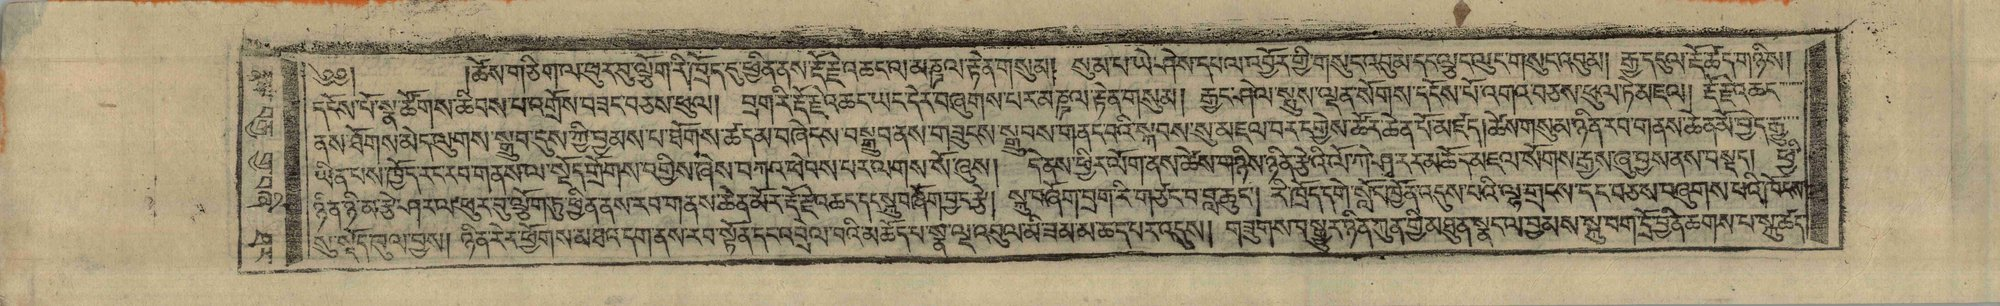༄༅། །ཚེས་གཅིག་ལ་ཕུར་བུ་ལྕོག་རི་ཁྲོད་དུ་ཕྱིན་ནས་རྡོ་རྗེ་འཆང་ལ་མཎྜལ་རྟེན་གསུམ། སུམ་པ་ཡེ་ཤེས་དཔལ་འབྱོར་གྱི་གསུང་འབུམ་དང་ལྕང་ལུང་གསུང་འབུམ། རྒྱ་དངུལ་རྡོ་ཚད་གཉིས།
དངོས་པོ་སྣ་ཚོགས་ཆིབས་པ་འགྲོས་བཟང་བཅས་ཕུལ། བྲག་རི་རྡོ་རྗེ་འཆང་ཡང་དེར་བཞུགས་པར་མཎྜལ་རྟེན་གསུམ། རྒྱང་ཤེལ་སྤུས་ལྡན་སོགས་དངོས་པོ་འགའ་བཅས་ཕུལ་ཏེ་མཇལ། རྡོ་རྗེ་འཆང་
ནས་ཐོགས་མེད་ལུགས་སྒྲུབ་དུས་ཀྱི་བྱམས་པ་ཐོགས་ཚད་མ་བཞེངས་བསྒྲུབ་ནས་གཟུངས་སྒྲུབས་གནང་བའི་སྐབས་སུ་མཇལ་བར་དགྱེས་ཚོར་ཆེན་པོ་མཛད། ཚེས་གསུམ་ཉིན་རབ་གནས་ཆེན་མོ་བྱེད་རྒྱུ་
ཡིན་པས་ཁྱོད་རང་རབ་གནས་ལ་སྡོད་གྲོགས་བགྱིས་ཞེས་བཀའ་ཕེབས་པར་ལགས་སོ་ཞུས། དེ་ནས་ཕྱིར་ལོག་ནས་ཚེས་གཉིས་ཉིན་རྩེའི་ལོ་ཀེ་ཤྭ་རར་མཆོད་མཇལ་སོགས་རྒྱས་ཞུ་བྱས་ནས་བསྡད། ཕྱི་
ཉིན་ཉི་མ་རྩེ་ཤར་ལ་ཕུར་བུ་ལྕོག་ཏུ་ཕྱིན་ནས་རབ་གནས་ཆེན་མོར་རྡོ་རྗེ་འཆང་དང་སྐུ་བཞོག་བྱང་རྩེ། སྐུ་བཞོག་བྲག་རི་གཙང་བ་བླ་ཆུང་། རི་ཁྲོད་དགེ་སློང་ཁྱོན་འདུས་པའི་ལྷ་གྲངས་དང་བཅས་བཞུགས་པའི་ཁོངས་
སུ་སྡོད་ཁུལ་བྱས། ཉིན་རེར་ཕྱོགས་མཐའ་དག་ནས་རབ་སྟོན་དང་འབྲེལ་བའི་མཆོད་པ་སྣ་ལྔ་འབུལ་མི་ཟམ་མ་ཆད་པར་འདུས། གཟུགས་བསྒྱུར་ཉིན་ཀུན་གྱི་མཐུན་སྣང་ལ་བྱམས་སྐུ་བག་དྲོ་བྱིན་ཆགས་པ་སྐུ་ཚད་